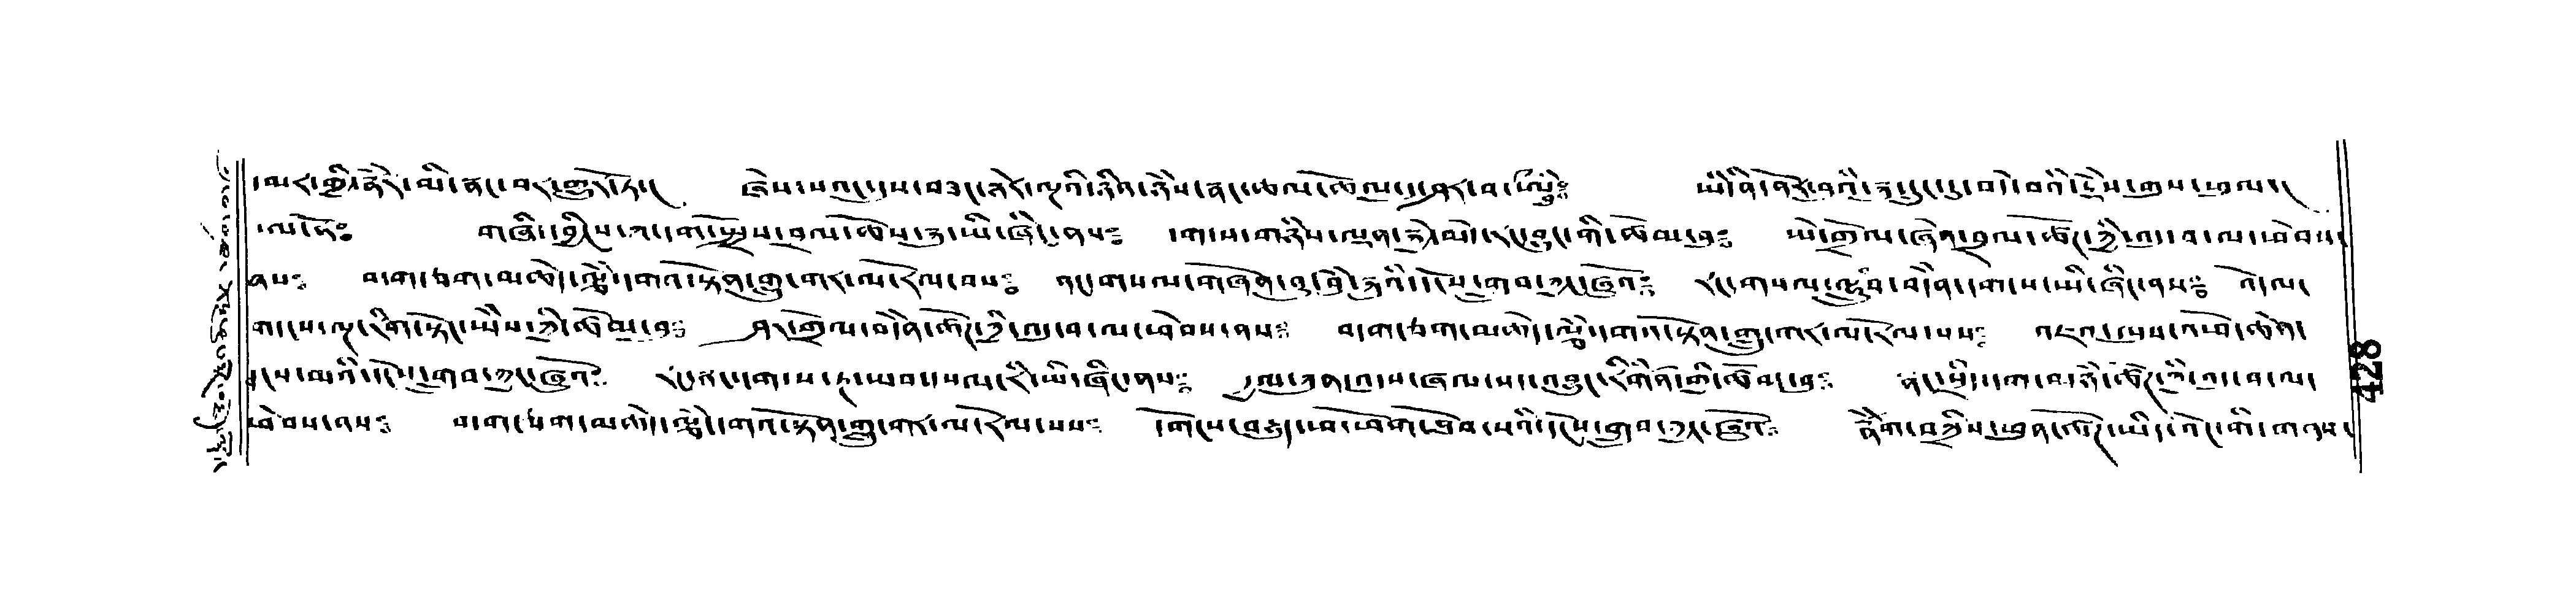དམར་གྱི་རྣམ་པར་མི་སྣང་བར་གྱུར་ཏོ། ཞེས་པའང་དུས་བཟང་ཉེར་ལྔའི་ཉིན་ཉམས་སྣང་ཆལ་ཆོལ་དུ་ཤར་བ་། ཡིད་བཞིན་ནོར་བུའི་སྐུ་དྲུང་དུ་བདེ་བའི་རྡོ་རྗེས་གུས་ཕུལ། 
ཨ་ཧོཿ གཞི་དབྱིངས་ཀ་དག་སྤྲོས་བྲལ་ཆོས་སྐུ་ཡི་ཞིང་ནས༔ དག་པ་གཉིས་ལྡན་སྐྱེ་མེད་རང་བྱུང་གི་ཚོམ་བུ༔ ཡེ་གྲོལ་ཞེན་བྲལ་ཚོགས་ཀྱི་འདུ་བ་ལ་ཕེབས་
ནས༔ བདག་ཅག་མཆེད་ལྕམ་དགའ་སྟོན་གླུ་གར་ལ་རོལ་བས༔ ནང་གསལ་གཞོན་ནུ་བུམ་སྐུའི་དངོས་གྲུབ་ཀྱང་ཞུའོ༔ རང་གསལ་ལྷུན་གྲུབ་བདེ་ཆེན་དག་པ་ཡི་ཞིང་ནས༔ འོད་གསལ་
གདངས་ལྔ་རིག་སྟོང་ཡེ་ཤེས་ཀྱི་ཚོམ་བུ༔ ཤར་གྲོལ་བདེ་ཆེན་ཚོགས་ཀྱི་འདུ་བ་ལ་ཕེབས་ནས༔ བདག་ཅག་མཆེད་ལྕམ་དགའ་སྟོན་གླུ་གར་ལ་རོལ་པས༔ འཇའ་ལུས་འཕོ་ཆེན་
དྭངས་མའི་དངོས་གྲུབ་ཀྱང་ཞུའོ༔ རང་སྣང་དག་པ་རྔ་ཡབ་དཔལ་རི་ཡི་ཞིང་ནས༔རྒྱལ་ཀུན་འདུས་ཞལ་པད་འབྱུང་རིག་འཛིན་གྱི་ཚོམ་བུ༔ སྣང་སྲིད་དག་མཉམ་ཚོགས་ཀྱི་འདུ་བ་ལ་
ཕེབས་ནས༔ བདག་ཅག་མཆེད་ལྕམ་དགའ་སྟོན་གླུ་གར་ལ་རོལ་པས༔ དགོངས་བརྒྱུད་ཕ་ཕོག་ཐོབ་པའི་དངོས་གྲུབ་ཀྱང་ཞུའོ༔ རྣམ་དག་བཀྲ་ཤིས་ཕུན་ཚོགས་ཡིད་འོང་གི་གནས་